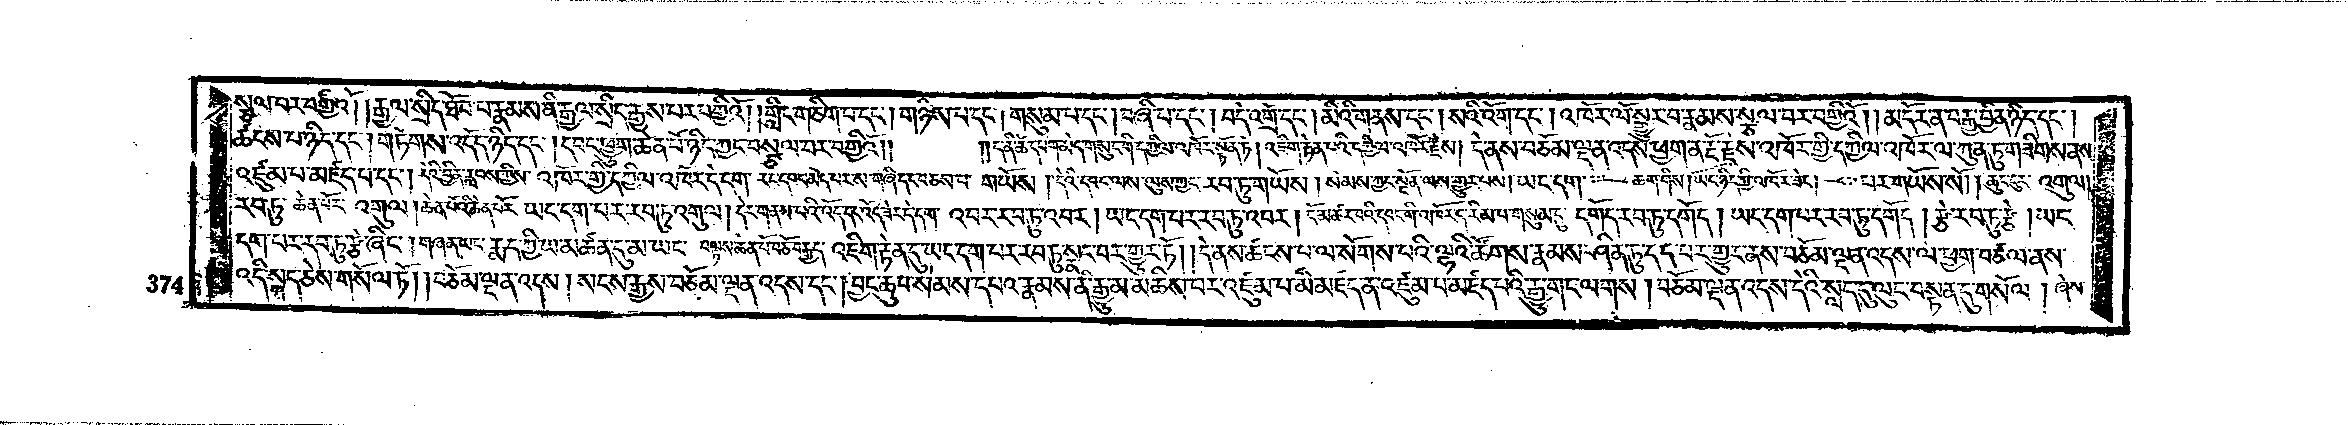སྩལ་བར་བགྱིའོ། །རྒྱལ་སྲིད་ཐོབ་པ་རྣམས་ནི་རྒྱལ་སྲིད་རྒྱས་པར་བགྱིའོ། །གླིང་གཅིག་པ་དང་། གཉིས་པ་དང་། གསུམ་པ་དང་། བཞི་པ་དང་། བདེ་འགྲོ་དང་། མིའི་གནས་དང་། སའི་འོག་དང་། འཁོར་ལོ་སྒྱུར་བ་རྣམས་སྩལ་བར་བགྱིའོ། །མདོར་ན་བརྒྱ་བྱིན་ཉིད་དང་།
ཚངས་པ་ཉིད་དང་། གཏོགས་འདོད་ཉིད་དང་། དབང་ཕྱུག་ཆེན་པོ་ཉིད་ཀྱང་བསྩལ་བར་བགྱིའོ།། །། ད་ནི་ཚེ་དཔག་མེད་གསུང་གི་དཀྱིལ་འཁོར་སྟོན་ཏེ། འཇིག་རྟེན་པའི་དཀྱིལ་འཁོར་རྗེས། དེ་ནས་བཅོམ་ལྡན་འདས་ཕྱག་ན་རྡོ་རྗེས་འཁོར་གྱི་དཀྱིལ་འཁོར་ལ་ཀུན་ཏུ་གཟིགས་ནས་
འཛུམ་པ་མཛད་པ་དང་། དེའི་བྱིན་རླབས་ཀྱིས་འཁོར་གྱི་དཀྱིལ་འཁོར་དེ་དག་རང་དབང་མེད་པར་ས་གཞི་དང་བཅས་པ་གཡོས། དེའི་དབང་ལས་ལུས་ཀྱང་རབ་ཏུ་གཡོས། སེམས་ཀྱང་སྔོན་ལས་གྱུར་པས། ཡང་དག་ཆག་གིས། ཡང་ཉིད་ཀྱི་འཁོར་ཟེར། པར་གཡོས་སོ། ། ཆུང་ངུར་འགུལ།
རབ་ཏུ་ཆེན་པོར་འགུལ། ཆེན་པོའི་ཆེན་པོར་ཡང་དག་པར་རབ་ཏུ་འགུལ། དེར་གནས་པའི་འོད་དང་འོད་ཟེར་དེ་དག་འབར་རབ་ཏུ་འབར། ཡང་དག་པར་རབ་ཏུ་འབར། ངོ་མཚར་བའི་དབང་གི་འཁོར་དེ་རིམ་པ་གསུམ་དུ་དགོད་རབ་ཏུ་དགོད། ཡང་དག་པར་རབ་ཏུ་དགོད། རྩེ་རབ་ཏུ་རྩེ། ཡང་
དག་པར་རབ་ཏུ་རྩེ་ཞིང་། གཞན་ཡང་རྨད་ཀྱི་ཡ་མཚན་དུ་མ་ཡང་བལྟས་ཆེན་པོ་བཅོ་བརྒྱད་འཇིག་རྟེན་དུ་ཡང་དག་པར་རབ་ཏུ་སྣང་བར་གྱུར་ཏོ། །དེ་ནས་ཚངས་པ་ལ་སོགས་པའི་ལྷའི་ཚོགས་རྣམས་ཤིན་ཏུ་དད་པར་གྱུར་ནས་བཅོམ་ལྡན་འདས་ལ་ཕྱག་བཙལ་ནས་
འདི་སྐད་ཅེས་གསོལ་ཏོ། །བཅོམ་ལྡན་འདས། སངས་རྒྱས་བཅོམ་ལྡན་འདས་དང་། བྱང་ཆུབ་སེམས་དཔའ་རྣམས་ནི་རྒྱུ་མ་མཆིས་པར་འཛུམ་པ་མི་མཛད་ན་འཛུམ་པ་མཛད་པའི་རྒྱུ་གང་ལགས། བཅོམ་ལྡན་འདས་དེའི་སླད་དུ་ལུང་བསྟན་དུ་གསོལ། ཞེས་